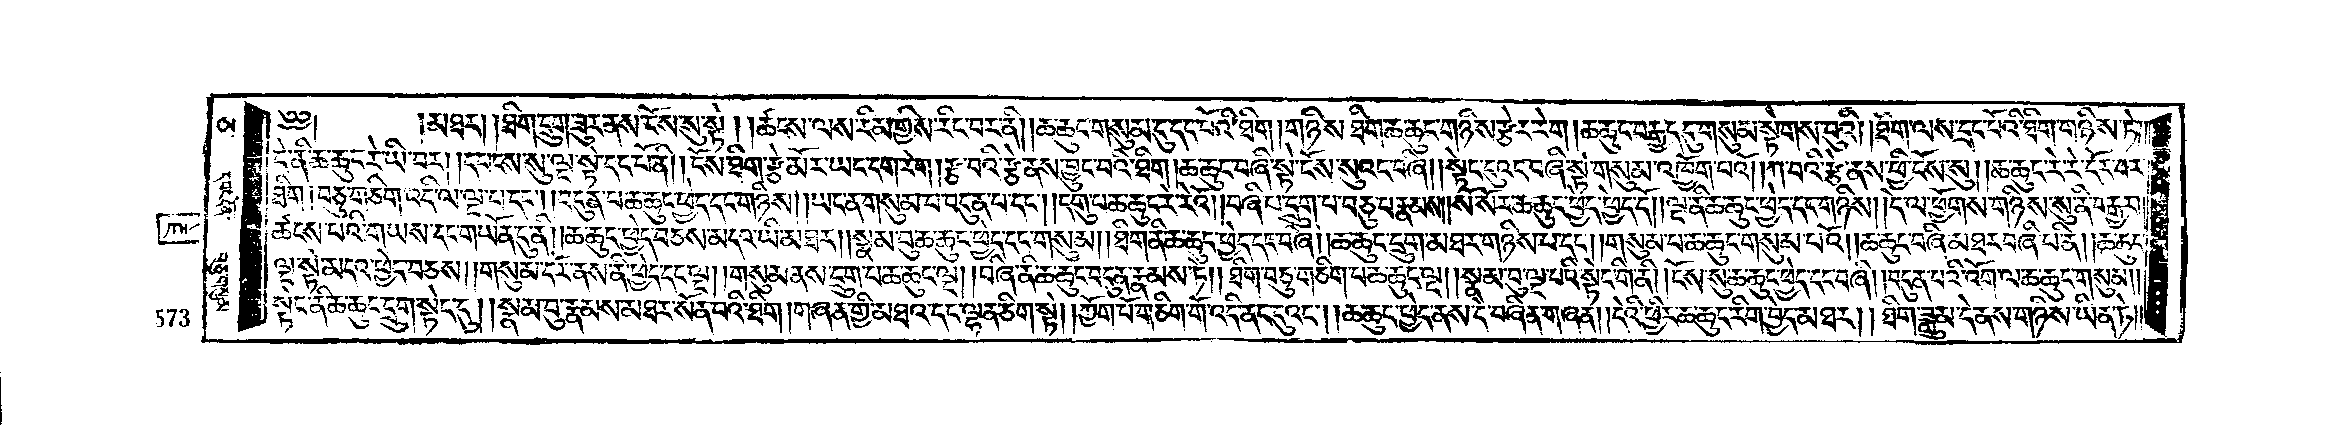༄༅། །མཐར། །ཐིག་དྲུག་ཟུར་ནས་ངོས་སུ་སྟེ། །ཚངས་ལས་རིམ་གྱིས་རིང་བར་ནི། །ཆ་ཆུང་གསུམ་དུ་དང་པོའི་ཐིག །གཉིས་ཐིག་ཆ་ཆུང་གཉིས་རྩེར་རེག །ཆ་ཆུང་བརྒྱད་དུ་གསུམ་སྟེགས་བུའི། །ཐིག་ལས་དྲང་པོའི་ཐིག་གཉིས་ཏེ།།
དེ་ནི་ཆ་ཆུང་རེ་ཡི་བར། །དཔངས་སུ་ལྔ་སྟེ་དང་པོ་ནི། །ངོས་ཐིག་རྩེ་མོར་ཡང་དག་རེག །རྩ་བའི་རྩེ་ནས་བྱུང་བའི་ཐིག །ཆ་ཆུང་བཞི་སྟེ་ངོས་སུའང་བཞི། །སྟེང་དུའང་བཞི་སྟེ་གསུམ་འཁྱོག་པའོ། །ཀ་བའི་རྩེ་ནས་ཕྱི་ངོས་སུ། །ཆ་ཆུང་རེ་རེ་དོར་བར་
ཐིག །བཅུ་གཅིག་འདི་ལ་ལྔ་པ་དང་། །བདུན་པ་ཆ་ཆུང་ཕྱེད་དང་གཉིས། །ཡང་ན་གསུམ་པ་བདུན་པ་དང་། །དགུ་པ་ཆ་ཆུང་རེ་རེའོ། །བཞི་པ་དྲུག་པ་བཅུ་པ་རྣམས། །སོ་སོར་ཆ་ཆུང་ཕྱེད་ཕྱེད་དོ། །ལྔ་ནི་ཆ་ཆུང་ཕྱེད་དང་གཉིས། །དེ་ལ་ཕྱོགས་གཉིས་སུ་ནི་བརྒྱར།།
ཚངས་པའི་གཡས་དང་གཡོན་དུ་ནི། །ཆ་ཆུང་ཕྱེད་བཅས་མདའ་ཡི་མཐར། །སྣམ་བུ་ཆ་ཆུང་ཕྱེད་དང་གསུམ། །ཐིག་ནི་ཆ་ཆུང་ཕྱེད་དང་བཞི། །ཆ་ཆུང་དྲུག་མཐར་གཉིས་པ་དང་། །གསུམ་པ་ཆ་ཆུང་གསུམ་པའོ། །ཆ་ཆུང་བཞི་མཐར་བཞི་པ་ནི། །ཆ་ཆུང་
ལྔ་སྟེ་མདའ་ཕྱེད་བཅས། །གསུམ་དོར་ནས་ནི་ཕྱེད་དང་ལྔ། །གསུམ་ནས་དྲུག་པ་ཆ་ཆུང་ལྔ། །བཞི་ནི་ཆ་ཆུང་བདུན་རྣམས་ཏེ། །ཐིག་བཅུ་གཅིག་པ་ཆ་ཆུང་ལྔ། །སྣམ་བུ་ལྔ་པའི་སྟེང་གི་ནི། །ངོས་སུ་ཆ་ཆུང་ཕྱེད་དང་བཞི། །བདུན་པའི་འོག་ལ་ཆ་ཆུང་གསུམ།
སྟེང་ནི་ཆ་ཆུང་དྲུག་སྟེང་དུ། །སྣམ་བུ་རྣམས་མཐར་སོན་པའི་ཐིག །གཞན་གྱི་མཐའ་དང་ལྷན་ཅིག་སྟེ། །ཀྱོག་པོ་གཅིག་གོ་འདི་ནང་དུའང་། །ཆ་ཆུང་ཕྱེད་ནས་དེ་བཞིན་གཞན། །དེའི་ཕྱིར་ཆ་ཆུང་རིག་བྱེད་མཐར། །ཐིག་ཟླུམ་དེ་ནས་གཉིས་ཡིན་ཏེ། །